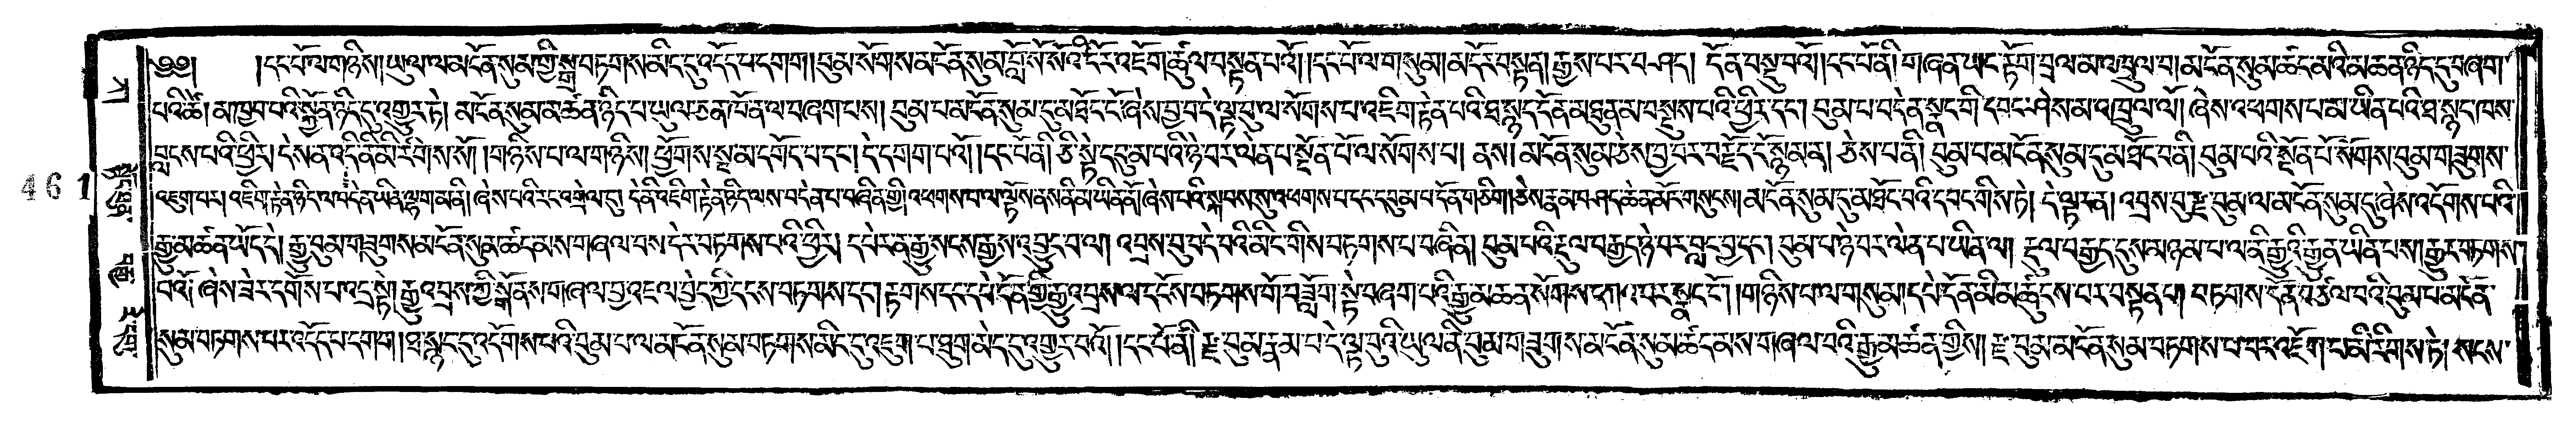༄༅། །དང་པོ་ལ་གཉིས། ཡུལ་ལ་མངོན་སུམ་གྱི་སྒྲ་བཏགས་མིང་དུ་འདོད་པ་དགག། བུམ་སོགས་མངོན་སུམ་བློ་སོ་སོའི་ངོར་འཇོག་ཚུལ་བསྟན་པའོ། །དང་པོ་ལ་གསུམ། མདོར་བསྟན། རྒྱས་པར་བཤད། དོན་བསྡུ་བའོ། །དང་པོ་ནི། གཞན་ཡང་རྟོག་བྲལ་མ་འཁྲུལ་བ། མངོན་སུམ་ཚད་མའི་མཚན་ཉིད་དུ་བཞག་
པའི་ཚེ། མ་ཁྱབ་པའི་སྐྱོན་ཉིད་དུ་འགྱུར་ཏེ། མངོན་སུམ་མཚན་ཉིད་པ་ཡུལ་ཅན་ཁོ་ན་ལ་བཞག་པས། བུམ་པ་མངོན་སུམ་དུ་མཐོང་ངོ་ཞེས་བྱ་བ་དེ་ལྟ་བུ་ལ་སོགས་པ་འཇིག་རྟེན་པའི་ཐ་སྙད་དོན་མཐུན་མ་བསྡུས་པའི་ཕྱིར་དང་། བུམ་པ་བདེན་སྣང་གི་དབང་ཤེས་མ་འཁྲུལ་ལོ། ཞེས་འཕགས་པ་མ་ཡིན་པའི་ཐ་སྙད་ཁས་
བླངས་པའི་ཕྱིར། དེས་ན་འདི་ནི་མི་རིགས་སོ། །གཉིས་པ་ལ་གཉིས། ཕྱོགས་སྔ་མ་དགོང་པ་དང་། དེ་དགག་པའོ། །དང་པོ་ནི། ཅི་སྟེ་དབུ་མ་པའི་ཉེ་བར་ལེན་པ་སྔོན་པོ་ལ་སོགས་པ། ནས། མངོན་སུམ་ཅེས་བྱ་བར་བརྗོད་དོ་སྙམ་ན། ཅེས་པ་ནི། བུམ་པ་མངོན་སུམ་དུ་མཐོང་བ་ནི། བུམ་པའི་སྔོན་པོ་སོགས་བུམ་གཟུགས་
འཇུག་བར། འཇིག་རྟེན་ཉིད་ལ་བདེན་ཡིན་ལྷག་མ་ནི། ཞེས་པའི་རང་འགྲེལ་དུ། དེ་ནི་འཇིག་རྟེན་ཉིད་ལས་བདེན་པ་བཞིན་གྱི། འཕགས་པ་ལ་ལྟོས་ནས་ནི་མ་ཡིན་ནོ། ཞེས་པའི་སྐབས་སུ་འཕགས་པ་དང་དབུམ་པ་དོན་གཅིག། ཅེས་རྣམ་བཤད་ཆེན་མོར་གསུངས།  མངོན་སུམ་དུ་མཐོང་བའི་དབང་གིས་ཏེ། དེ་ལྟར་ན། འབྲས་བུ་རྫ་བུམ་ལ་མངོན་སུམ་དུ་ཞེས་འདོགས་པའི་
རྒྱུ་མཚན་ཡོད་དེ། རྒྱུ་བུམ་གཟུགས་མངོན་སུམ་ཚད་མས་གཞལ་བས་དེར་བཏགས་པའི་ཕྱིར། དཔེར་ན་རྒྱུ་སངས་རྒྱས་འབྱུང་བ་ལ། འབྲས་བུ་བདེ་བའི་མིང་གིས་བཏགས་པ་བཞིན། བུམ་པའི་རྡུལ་བརྒྱད་ཉེ་བར་བླང་བྱ་དང་། བུམ་པ་ཉེ་བར་ལེན་པ་ཡིན་ལ། རྡུལ་བརྒྱད་དུས་མཉམ་པ་ལ་ནི་རྒྱུའི་རྒྱུན་ཡིན་པས། རྒྱུར་བཏགས་
བའོ༑ ཞེས་ཟེར་དགོས་པ་འདྲ་སྟེ། རྒྱུ་འབྲས་ཀྱི་སྒོ་ནས་གཞལ་བྱ་འཇལ་བྱེད་ཀྱི་དངས་བཏགས་དང་། རྟགས་དང་དཔེ་དོན་གྱི་རྒྱུ་འབྲས་ལ་དངོས་བཏགས་གོ་བཟློག་སྟེ་བཞག་པའི་རྒྱུ་མཚན་སོགས་དཀའ་བར་སྣང་ངོ། །གཉིས་པ་ལ་གསུམ། དཔེ་དོན་མི་མཚུངས་པར་བསྟན་པ། བཏགས་དོན་བཙལ་བའི་བུམ་པ་མངོན་
སུམ་བཏགས་པར་འདོད་པ་དགག །ཐ་སྙད་དུ་འདོགས་པའི་བུམ་པ་ལ་མངོན་སུམ་བཏགས་མིང་དུ་འཇུག་པ་ཐུག་མེད་དུ་འགྱུར་བའོ། །དང་པོ་ནི། རྫ་བུམ་རྣམ་བ་དེ་ལྟ་བུའི་ཡུལ་ནི་བུམ་གཟུགས་མངོན་སུམ་ཚད་མས་གཞལ་བའི་རྒྱུ་མཚན་གྱིས། རྫ་བུམ་མངོན་སུམ་བཏགས་པ་བར་འཇོག་པ་མི་རིགས་ཏེ། སངས་